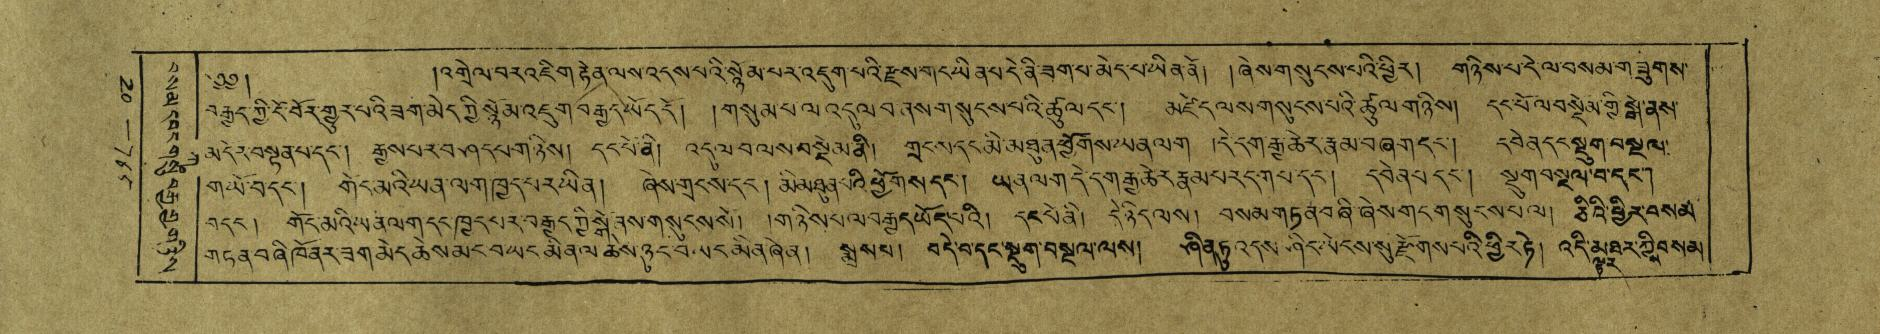༄༅། །འགྲེལ་བར་འཇིག་རྟེན་ལས་འདས་པའི་སྙོམ་པར་འཇུག་པའི་རྫས་གང་ཡིན་པ་དེ་ནི་ཟག་པ་མེད་པ་ཡིན་ནོ། །ཞེས་གསུངས་པའི་ཕྱིར། གཉིས་པ་དེ་ལ་བསམ་གཟུགས་
ཕ༹བརྒྱད་ཀྱི་ངོ་བོར་གྱུར་པའི་ཟག་མེད་ཀྱི་སྙོམ་འཇུག་བརྒྱད་ཡོད་དོ། །གསུམ་པ་ལ་འདུལ་བ་ནས་གསུངས་པའི་ཚུལ་དང་། མཛོད་ལས་གསུངས་པའི་ཚུལ་གཉིས། དང་པོ་ལ་བསྔོམ་གྱི་སྒོ་ནས་
མདོར་བསྟན་པ་དང་། རྒྱས་པར་བཤད་པ་གཉིས། དང་པོ་ནི། འདུལ་བ་ལས་བསྡོམ་ནི། གྲངས་དང་མི་མཐུན་ཕྱོགས་ཡན་ལག །དེ་དག་རྒྱ་ཆེར་རྣམ་བཞག་དང་། དབེན་དང་སྡུག་བསྔལ་
གཡོ་བ་དང་། གོང་མའི་ཡན་ལག་ཁྱད་པར་ཡིན། ཞེས་གྲངས་དང་། མི་མཐུན་པའི་ཕྱོགས་དང་། ཡན་ལག་དེ་དག་རྒྱ་ཆེར་རྣམ་པར་དག་པ་དང་། དབེན་པ་དང་། སྡུག་བསྔལ་བ་དང་། གཡོ་
བ་དང་། གོང་མའི་ཡན་ལག་དང་ཁྱད་པར་བརྒྱད་ཀྱི་སྒོ་ནས་གསུངས་སོ། །གཉིས་པ་ལ་བརྒྱད་ཡོད་པའི། དང་པོ་ནི། དེ་ཉིད་ལས། བསམ་གཏན་བཞི་ཞེས་གང་གསུངས་པ་ལ། ཅིའི་ཕྱིར་བསམ་
གཏན་བཞི་ཁོ་ནར་ཟག་མེད་ཆེས་མང་བ་ཡང་མིན་ལ་ཆེས་ཉུང་བ་ཡང་མིན་ཞེ་ན། སྨྲས་པ། བདེ་བ་དང་སྡུག་བསྔལ་ལས། ཤིན་ཏུ་འདས་ཤིང་ཡོངས་སུ་རྫོགས་པའི་ཕྱིར་ཏེ། འདི་ལྟར་མཐར་ཀྱིས་བསམ་